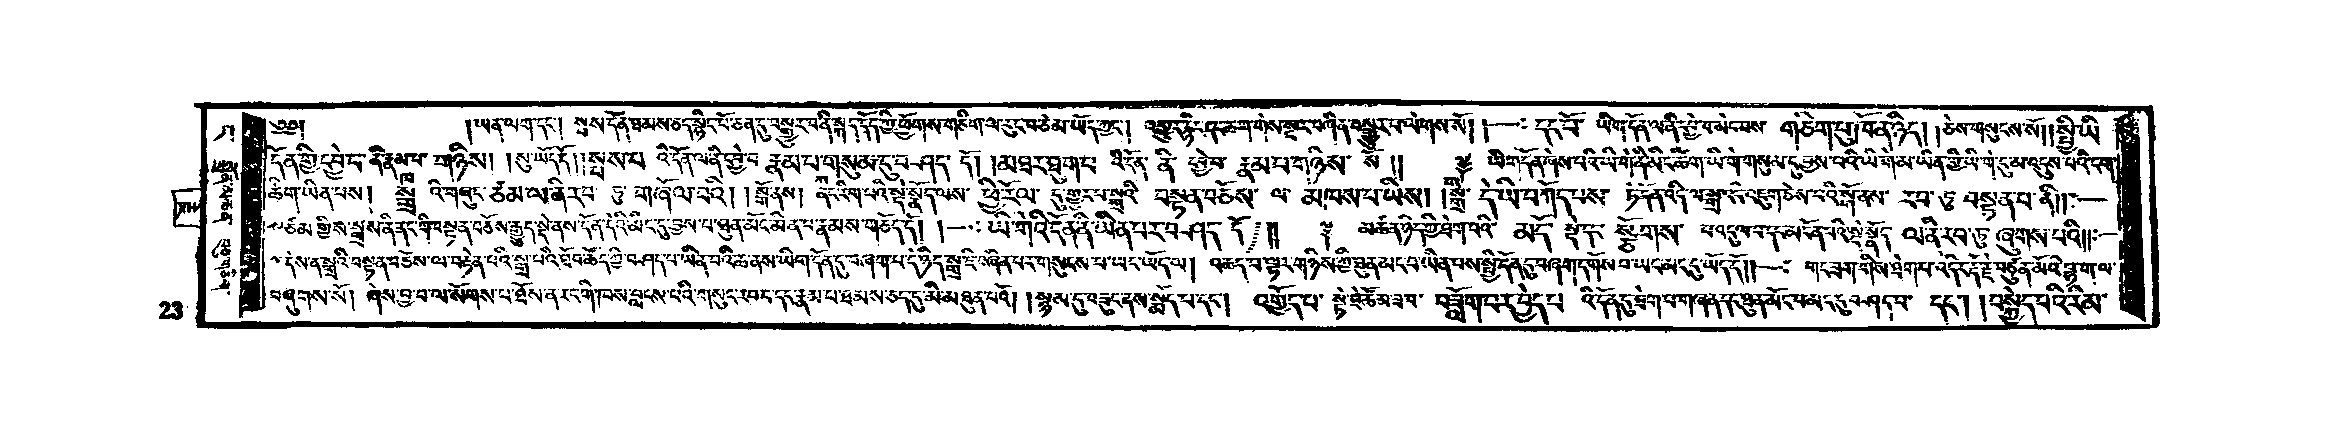༄༅། ། ཡན་ལག་དང་། སྦས་དོན་ཐམས་ཅད་སྙིང་པོ་ཅན་དུ་བསྒྱུར་བ་ནི་སྐད་དོད་ཀྱི་ཕྱོགས་གཅིག་ལ་རུང་བ་ཙམ་ཡོད་ཀྱང་། འགྱུར་རྙིང་དང་ཆག་གིས་སྔར་བཞིན་བསྒྱུར་བ་ལེགས་སོ། །  .Hདང་པོ་ཡིག་དོན་ལ་ནི་དབྱེ་བ་མེད་པས་གཅིག་པུ་ཁོ་ན་ཉིད། ། ཅེས་གསུངས་སོ། །སྤྱི་ཡི་
དོན་གྱི་དབྱེ་བ་ནི་རྣམ་པ་གཉིས། ། སུ་ཡོད་དོ། །སྦས་པའི་དོན་ལ་ནི་དབྱེ་བ་རྣམ་པ་གསུམ་དུ་བཤད་དོ། །མཐར་ཐུག་པའི་དོན་ནི་དབྱེ་བ་རྣམ་པ་གཉིས་སོ།། ༈ ཡིག་དོན་ཞེས་པའི་ཡི་གེ་ནི་མིང་ཚིག་ཡི་གེ་གསུམ་དུ་བྱས་པའི་ཡི་གེ་མ་ཡིན་གྱི་ཡི་གེ་དུ་མ་འདུས་པའི་ངག་
ཚིག་ཡིན་པས། ཁ་སྒྲའི་གཞུང་ཙམ་ལ་ནི་རབ་ཏུ་གཞོལ་བའི། ། སྒོ་ནས། ཀ་ནང་རིག་པའི་སྡེ་སྣོད་ལས་ཕྱི་རོལ་དུ་གྱུར་པ་སྒྲའི་བསྟན་བཅོས་ལ་མཁས་པ་ཡིས། ། ག་སྒྲ་དེ་ཡི་བཀོད་པས་ཏེ་དོན་འདི་ལ་སྒྲ་འདི་འཇུག་ཅས་པའི་སྒོ་ནས་རབ་ཏུ་བསྟན་པ་ནི།།H.
༧་ཙམ་གྱིས་སྒྲས་ནི་ནང་གི་བསྟན་བཅོས་རྒྱུད་སྡེ་ནས་དོན་དེའི་མིང་དུ་བྱས་པ་ཐུན་མོང་མིན་པ་རྣམས་གཅོད་དོ། ། .Hཡི་གེའི་དོན་ནི་ཡིན་པར་བཤད་དོ།། ༈ མཚན་ཉིད་ཀྱི་ཐེག་པའི་མདོ་སྡེ་དང་སྩོགས་པ་འདུལ་བ་དང་མངོན་པའི་སྡེ་སྣོད་ལ་ནི་རབ་ཏུ་ཞུགས་པའི།།H.
༧་དེས་ན་སྒྲའི་བསྟན་བཅོས་ལ་བརྟེན་པའི་སྒྲ་པའི་ཐོབ་ཚོད་ཀྱི་བཤད་པ་ཡིན་པའི་ཆ་ནས་ཡིག་དོན་དུ་བཞག་པ་དེ་ཉིད་སྒྲ་ཇི་བཞིན་པར་གསུངས་པ་ཡང་ཡོད་ལ། འཆད་པ་ལྟར་གཉིས་ཀྱི་ཐུན་མོང་བ་ཡིན་པས་སྤྱི་དོན་དུ་བཞག་དགོས་པ་ཡང་མང་དུ་ཡོད་དོ།། .Hགང་ཟག་གིས་ཐེག་པ་འདིར་རྡོ་རྗེ་བཙུན་མོའི་བྷ་ག་ལ་
བཞུགས་སོ། ཞེས་བྱ་བ་ལ་སོགས་པ་ཐོས་ན་རང་གི་ཁས་བླངས་པའི་གསུང་རབ་དེ་དང་རྣམ་པ་ཐམས་ཅད་དུ་མི་མཐུན་པའོ། །སྙམ་དུ་བཟུང་ནས་སྨོད་པ་དང་། འགྱོད་པ་སྟེ་ཐེ་ཚོམ་ཟ་བ་བཟློག་པར་བྱེད་པའི་དོན་དུ་ཐེག་པ་གཞན་དང་ཐུན་མོང་བ་མང་དུ་བཤད་པ་དང། །བསྐྱེད་པའི་རིམ་